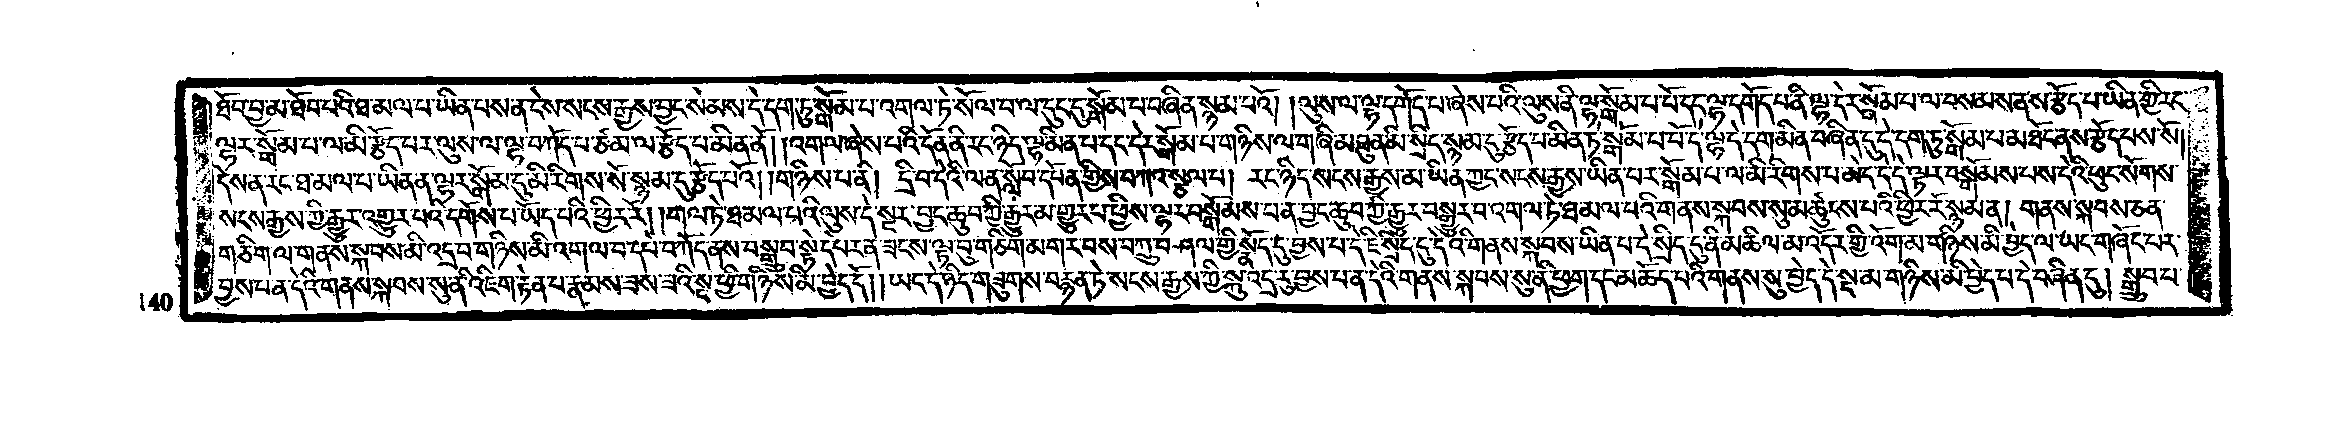ཐོབ་བྱ་མ་ཐོབ་པའི་ཐ་མལ་པ་ཡིན་པས་ན་ངེས་སངས་རྒྱས་བྱང་སེམས་དེ་དག་ཏུ་སྒོམ་པ་འགལ་ཏེ་སོལ་བ་ལ་དུང་དུ་སྒོམ་པ་བཞིན་སྙམ་པའོ། །ལུས་ལ་ལྷ་དགོད་པ་ཞེས་པའི་ལུས་ནི་ལྷ་སྒོམ་པ་པོ་དང་ལྷ་དགོད་པ་ནི་ལྷ་དེར་སྒོམ་པ་ལ་བསམས་ནས་རྩོད་པ་ཡིན་གྱི་རང་
ལྷར་སྒོམ་པ་ལ་མི་རྩོད་པར་ལུས་ལ་ལྷ་བཀོད་པ་ཙམ་ལ་རྩོད་པ་མིན་ནོ། །འགལ་ཞེས་པའི་དོན་ནི་རང་ཉིད་ལྷ་མིན་པ་དང་དེར་སྒོམ་པ་གཉིས་ལ་གཞི་མཐུན་མི་སྲིད་སྙམ་དུ་རྩོད་པ་མིན་ཏེ་སྒོམ་པ་པོ་དེ་ལྷ་དེ་དག་མིན་བཞིན་དུ་དེ་དག་ཏུ་སྒོམ་པ་མཐོང་ནས་རྩོད་པས་སོ།
དེས་ན་རང་ཐ་མལ་པ་ཡིན་ན་ལྷར་སྒོམ་དུ་མི་རིགས་སོ་སྙམ་དུ་རྩོད་པའོ། །གཉིས་པ་ནི། དྲི་བ་དེའི་ལན་སློབ་དཔོན་གྱིས་བཀའ་སྩལ་པ། རང་ཉིད་སངས་རྒྱས་མ་ཡིན་ཀྱང་སངས་རྒྱས་ཡིན་པར་སྒོམ་པ་ལ་མི་རིགས་པ་མེད་དེ་དེ་ལྟར་བསྒོམས་པས་དེའི་ཕུང་སོགས་
སངས་རྒྱས་ཀྱི་རྒྱུར་འགྱུར་པའི་དགོས་པ་ཡོད་པའི་ཕྱིར་རོ། །གལ་ཏེ་ཐ་མལ་པའི་ལུས་དེ་སྔར་བྱང་ཆུབ་ཀྱི་རྒྱུར་མ་གྱུར་པ་ཕྱིས་ལྷར་བསྒོམས་པ་ན་བྱང་ཆུབ་ཀྱི་རྒྱུར་བསྒྱུར་བ་འགལ་ཏེ་ཐ་མལ་པའི་གནས་སྐབས་སུ་མཚུངས་པའི་ཕྱིར་རོ་སྙམ་ན། གནས་སྐབས་ཅན་
གཅིག་ལ་གནས་སྐབས་མི་འདྲ་བ་གཉིས་མི་འགལ་བ་དཔེ་བཀོད་ནས་བསྒྲུབ་སྟེ་དཔེར་ན་ཟངས་ལྟ་བུ་གཅིག་མགར་བས་བཀྲུ་བཤལ་གྱི་སྣོད་དུ་བྱས་པ་དེ་ཇི་སྲིད་དུ་དེའི་གནས་སྐབས་ཡིན་པ་དེ་སྲིད་དུ་ནི་མཆིལ་མ་འདོར་གྱི་འོག་མ་གཉིས་མི་བྱེད་ལ་ཡང་གཞོང་པར་
བྱས་པ་ན་དེའི་གནས་སྐབས་སུ་ནི་འཇིག་རྟེན་པ་རྣམས་ཟས་ཟའི་སྔ་ཕྱི་གཉིས་མི་བྱེད་དོ། །ཡང་དེ་ཉིད་གཟུགས་བརྙན་ཏེ་སངས་རྒྱས་ཀྱི་སྐུ་འདྲ་རུ་བྱས་པ་ན་དེའི་གནས་སྐབས་སུ་ནི་ཕྱག་དང་མཆོད་པའི་གནས་སུ་བྱེད་དེ་སྔ་མ་གཉིས་མི་བྱེད་པ་དེ་བཞིན་དུ། སྒྲུབ་པ་